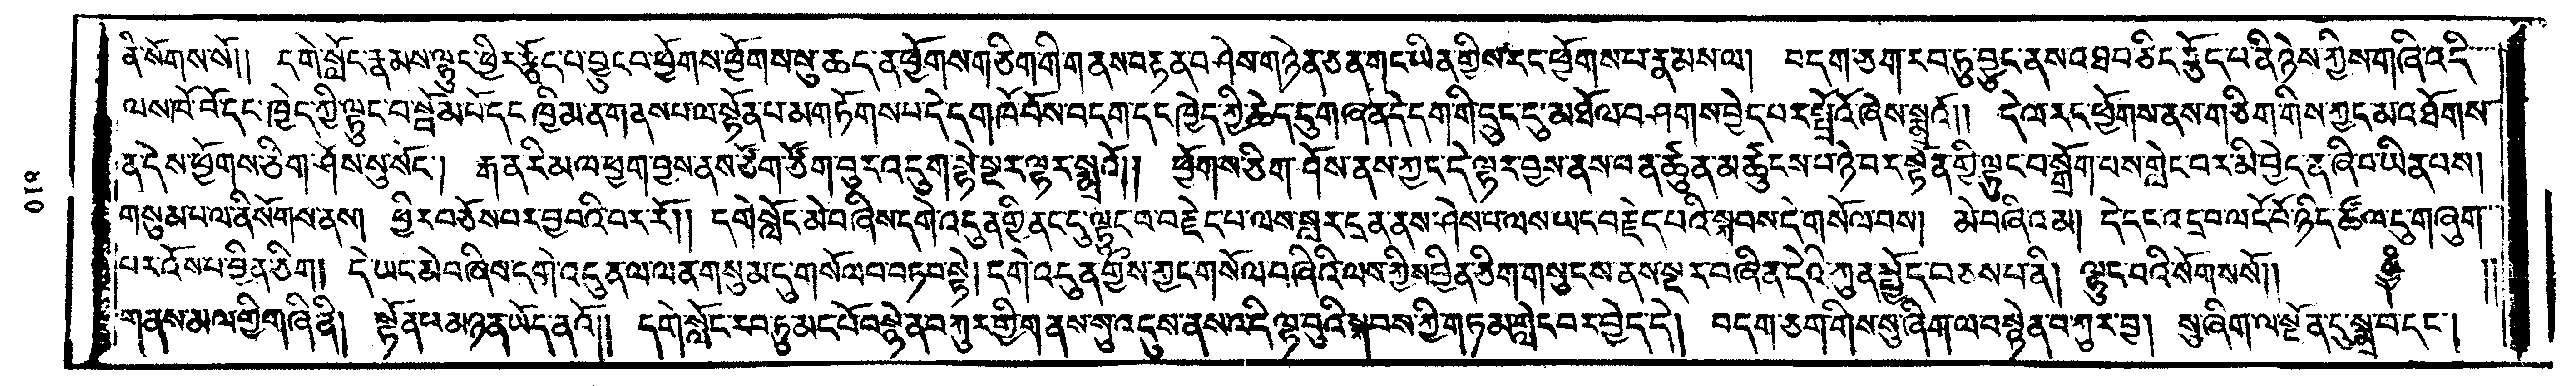ནི་སོགས་སོ།། དགེ་སློང་རྣམས་ལྟུང་ཕྱིར་རྩོད་པ་བྱུང་བ་ཕྱོགས་ཕྱོགས་སུ་ཆད་ན་ཕྱོགས་གཅིག་གི་གནས་བརྟན་བཤེས་གཉེན་ཅན་གང་ཡིན་གྱིས་རང་ཕྱོགས་པ་རྣམས་ལ། བདག་ཅག་རབ་ཏུ་བྱུང་ནས་འཐབ་ཅིང་རྩོད་པ་ནི་ཉེས་ཀྱིས་གཞི་འདི་
ལས་ཁོ་བོ་དང་ཁྱེད་ཀྱི་ལྟུང་བ་སྦོམ་པོ་དང་ཁྱིམ་ན་གནས་པ་ལ་སྟོན་པ་མ་གཏོགས་པ་དེ་དག་ཁོ་བོས་བདག་དང་ཁྱེད་ཀྱི་ཆེད་དུ་གཞན་དེ་དག་གི་དྲུང་དུ་མཐོལ་བཤགས་བྱེད་པར་སྤྲོའོ་ཞེས་སྨྲའོ།། དེ་ལ་རང་ཕྱོགས་ནས་གཅིག་གིས་ཀྱང་མ་འཐོགས་
ན་དེས་ཕྱོགས་ཅིག་ཤོས་སུ་སོང་། རྒན་རིམ་ལ་ཕྱག་བྱས་ནས་ཙོག་ཙོག་བུར་འདུག་སྟེ་སྔར་ལྟར་སྨྲའོ།། ཕྱོགས་ཅིག་ཤོས་ནས་ཀྱང་དེ་ལྟར་བྱས་ནས་ཕན་ཚུན་མཚུངས་པ་ཉེ་བར་སྟོན་གྱི་ལྟུང་བ་སྒྲོག་པས་གླེང་བར་མི་བྱེད་ན་ཞི་བ་ཡིན་པས།
གསུམ་པ་ལ་ནི་སོགས་ནས། ཕྱིར་བཅོས་པར་བྱ་བའི་བར་རོ།། དགེ་སློང་མེ་བཞིས་དགེ་འདུན་གྱི་ནང་དུ་ལྟུང་བ་བརྗེད་པ་ལས་སླར་དྲན་ནས་ཤེས་པ་ལས་ཡང་བརྗེད་པའི་སྐབས་དེ་གསོལ་བས། མེ་བཞི་འམ། དེ་དང་འདྲ་བ་ལ་ངོ་བོ་ཉིད་ཚEལ་དུ་གཞུག་
པར་འོས་པ་བྱིན་ཅིག། དེ་ཡང་མེ་བཞིས་དགེ་འདུན་ལ་ལན་གསུམ་དུ་གསོལ་བ་བཏབ་སྟེ། དགེ་འདུན་གྱིས་ཀྱང་གསོལ་བཞིའི་ལས་ཀྱིས་བྱིན་ཅིག་གསུངས་ནས་སྔར་བཞིན་དེའི་ཀུན་སྤྱོད་བཅས་པ་ནི། ལྟུང་བའི་སོགས་སོ།། ༈ །།
གནས་མལ་གྱི་གཞི་ནི། སྟོན་པ་མཉན་ཡོད་ནའོ།། དགེ་སློང་རབ་ཏུ་མང་པོ་བསྙེན་བཀུར་གྱི་གནས་སུ་འདུས་ནས་འདི་ལྟ་བུའི་སྐབས་ཀྱི་གཏམ་གླེང་བར་བྱེད་དེ། བདག་ཅག་གིས་སུ་ཞིག་ལ་བསྙེན་བཀུར་བྱ། སུ་ཞིག་ལ་སྔོན་དུ་སྨྲ་བ་དང་།